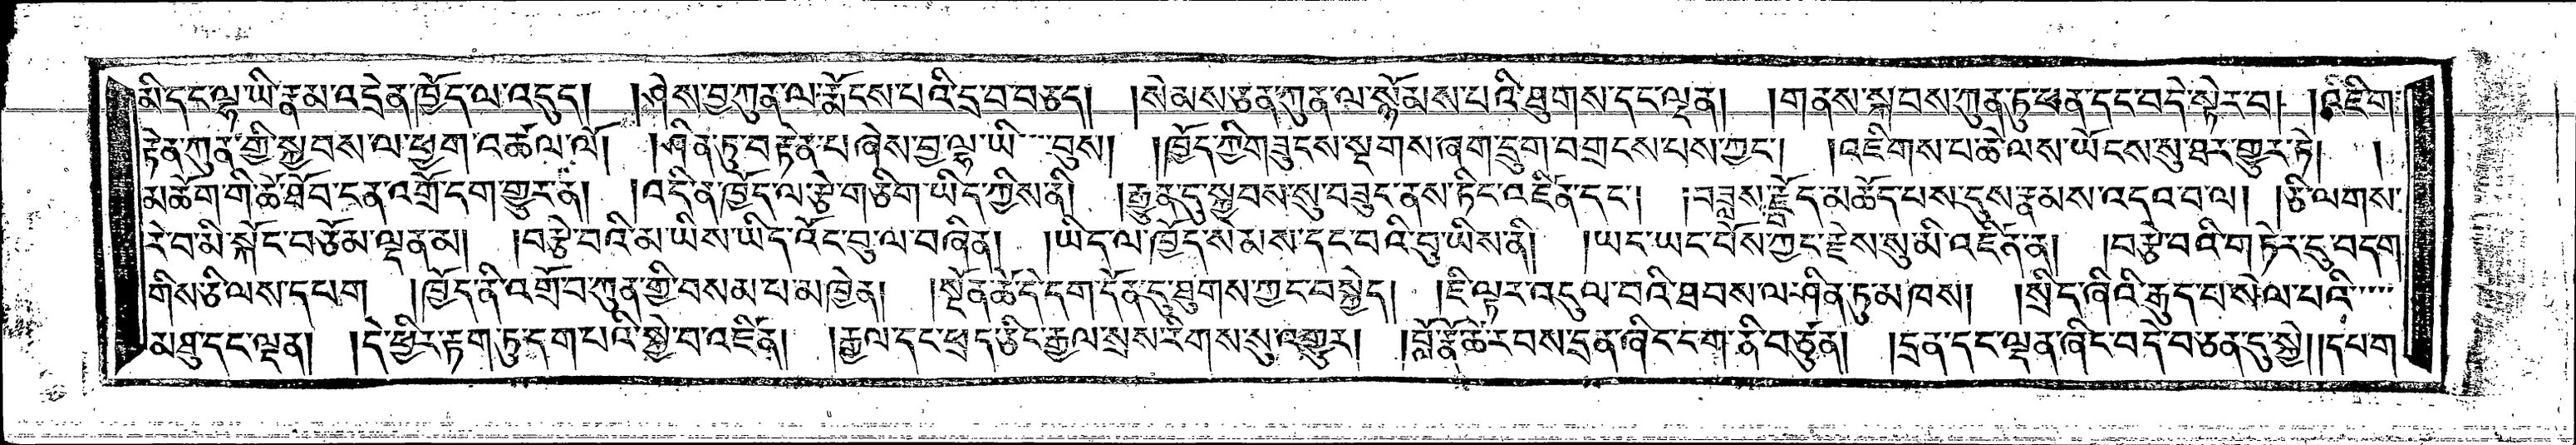མི་དང་ལྷ་ཡི་རྣམ་འདྲེན་ཁྱོད་ལ་འདུད། །ཤེས་བྱ་ཀུན་ལ་རྨོངས་པའི་དྲ་བ་བཅད། །སེམས་ཅན་ཀུན་ལ་སྙོམས་པའི་ཐུགས་དང་ལྡན། །གནས་སྐབས་ཀུན་ཏུ་ཕན་དང་བདེ་སྟེར་བ། །འཇིག་
རྟེན་ཀུན་གྱི་སྐྱབས་ལ་ཕྱག་འཚལ་ལོ། །ཤིན་ཏུ་བརྟེན་པ་ཞེས་བྱ་ལྷ་ཡི་བུས། །ཁྱོད་ཀྱི་གཟུངས་སྔགས་ཞག་དྲུག་བགྲངས་པས་ཀྱང་། །འཇིགས་པ་ཆེ་ལས་ཡོངས་སུ་ཐར་གྱུར་ཏེ། །
མཆོག་གི་ཚེ་ཐོབ་ངན་འགྲོ་དག་གྱུར་ན། །འདི་ན་ཁྱོད་ལ་རྩེ་གཅིག་ཡིད་ཀྱིས་ནི། །རྒྱུན་དུ་སྐྱབས་སུ་བཟུང་ནས་ཏིང་འཛིན་དང་། །བཟླས་བརྗོད་མཆོད་པས་དུས་རྣམས་འདའ་བ་ལ། །ཅི་ལགས་
རེ་བ་མི་སྐོང་བཅོམ་ལྡན་མ། །བརྩེ་བའི་མ་ཡིས་ཡིད་འོང་བུ་ལ་བཞིན། །ཡིད་ལ་ཁྱོད་སེམས་དང་བའི་བུ་ཡིས་ནི། །ཡང་ཡང་བོས་ཀྱང་རྗེས་སུ་མི་འཛིན་ན། །བརྩེ་བའི་གཏེར་དུ་བདག་
གིས་ཅི་ལས་དཔག །ཁྱོད་ནི་འགྲོ་བ་ཀུན་གྱི་བསམ་པ་མཁྱེན། །སྔོན་ཚེ་དེ་དག་དོན་དུ་ཐུགས་ཀྱང་བསྐྱེད། །ཇི་ལྟར་འདུལ་བའི་ཐབས་ལ་ཤིན་ཏུ་མཁས། །སྲིད་ཞིའི་རྒུད་པ་སེལ་པའི་
མཐུ་དང་ལྡན། །དེ་ཕྱིར་རྟག་ཏུ་དག་པའི་སྐྱེ་བ་འཛིན། །རྒྱལ་དང་ཕྲད་ཅིང་རྒྱལ་སྲས་རིགས་སུ་འགྱུར། །བློ་རྣོ་ཚེ་རབས་དྲན་ཞིང་ངག་ནི་བཙུན། །དྲན་དང་ལྡན་ཞིང་བདེ་བ་ཅན་དུ་སྐྱེ། །དཔག་